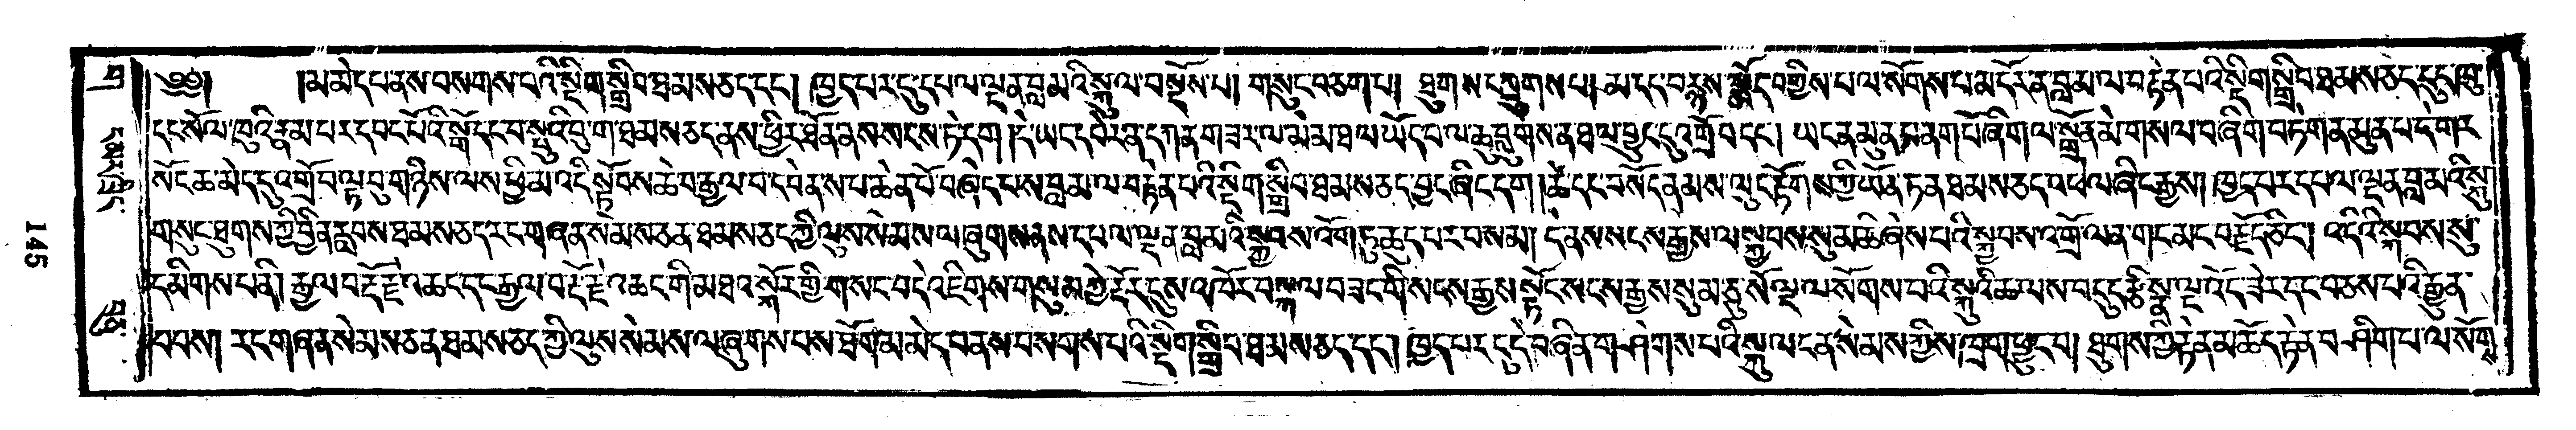༄༅། །མ་མེད་པ་ནས་བསགས་པའི་སྡིག་སྒྲིབ་ཐམས་ཅད་དང་། ཁྱད་པར་དུ་དཔལ་ལྡན་བླ་མའི་སྐུ་ལ་བསྔོས་པ། གསུང་བཅག་པ། ཐུགས་དཀྲུགས་པ། མ་དད་བརྙས་སྨོད་བགྱིས་པ་ལ་སོགས་པ་མདོར་ན་བླ་མ་ལ་བརྟེན་པའི་སྡིག་སྒྲིབ་ཐམས་ཅད་དུད་ཁུ་
དང་སོལ་ཁུའི་རྣམ་པར་དབང་པོའི་སྒོ་དང་བ་སྤུའི་བུ་ག་ཐམས་ཅད་ནས་ཕྱིར་ཐོན་ནས་སངས་ཏེ་དག །དེ་ཡང་དཔེར་ན་དཀན་གཟར་ལ་མེམ་ཐལ་ཡོད་པ་ལ་ཆུ་བླུགས་ན་ཐལ་བྱུང་དུ་འགྲོ་བ་དང་། ཡང་ན་མུན་པ་ནག་པོ་ཞིག་ལ་སྒྲོན་མེ་གསལ་བ་ཞིག་བཏེག་ན་མུན་པ་དེ་གར་
སོང་ཆ་མེད་དུ་འགྲོ་བ་ལྟ་བུ་གཉིས་ལས་ཕྱི་མ་འདི་སྟོབས་ཆེ་བརྒྱལ་བ་དབེན་ས་པ་ཆེན་པོ་བཞེད་པས་བླ་མ་ལ་བརྟེན་པའི་སྡིག་སྒྲིབ་ཐམས་ཅད་བྱང་ཞིང་དག །ཚེ་དང་བསོད་ནམས་ལུང་རྟོགས་ཀྱི་ཡོན་ཏན་ཐམས་ཅད་འཕེལ་ཞིང་རྒྱས། ཁྱད་པར་དཔལ་ལྡན་བླ་མའི་སྐུ་
གསུང་ཐུགས་ཀྱི་བྱིན་རླབས་ཐམས་ཅད་རང་གཞན་སེམས་ཅན་ཐམས་ཅད་ཀྱི་ལུས་སེམས་ལ་ཞུགས་ནས་དཔལ་ལྡན་བླ་མའི་སྐྱབས་འོག་ཏུ་ཆུད་པར་བསམ། དེ་ནས་སངས་རྒྱས་ལ་སྐྱབས་སུ་མཆི་ཞེས་པའི་སྐྱབས་འགྲོ་ལན་གང་མང་བརྗོད་ཅིང་། འདིའི་སྐབས་སུ་
དམིགས་པ་ནི། རྒྱལ་བ་རྡོ་རྗེ་འཆང་དང་རྒྱལ་བ་རྡོ་རྗེ་འཆང་གི་མཐའ་སྐོར་གྱི་གསང་བདེ་འཇིགས་གསུམ་ཀྱེ་རྡོར་དུས་འཁོར་བསྐལ་བཟང་གི་སངས་རྒྱས་སྟོང་སངས་རྒྱས་སུམ་ཅུ་སོ་ལྔ་ལ་སོགས་པའི་སྐུའི་ཆ་ལས་བདུད་རྩི་སྣ་ལྔ་འོད་ཟེར་དང་བཅས་པའི་རྒྱུན་
བ་བས། རང་གཞན་སེམས་ཅན་ཐམས་ཅད་ཀྱི་ལུས་སེམས་ལ་ཞུགས་པས་ཐོག་མ་མེད་པ་ནས་བསགས་པའི་སྡིག་སྒྲིབ་ཐམས་ཅད་དང་། ཁྱད་པར་དུ་དེ་བཞིན་གཤེགས་པའི་སྐུ་ལ་ངན་སེམས་ཀྱིས་ཁྲག་ཕྱུང་བ། ཐུགས་ཀྱི་རྟེན་མཆོད་རྟེན་བཤིག་པ་ལ་སོགས་